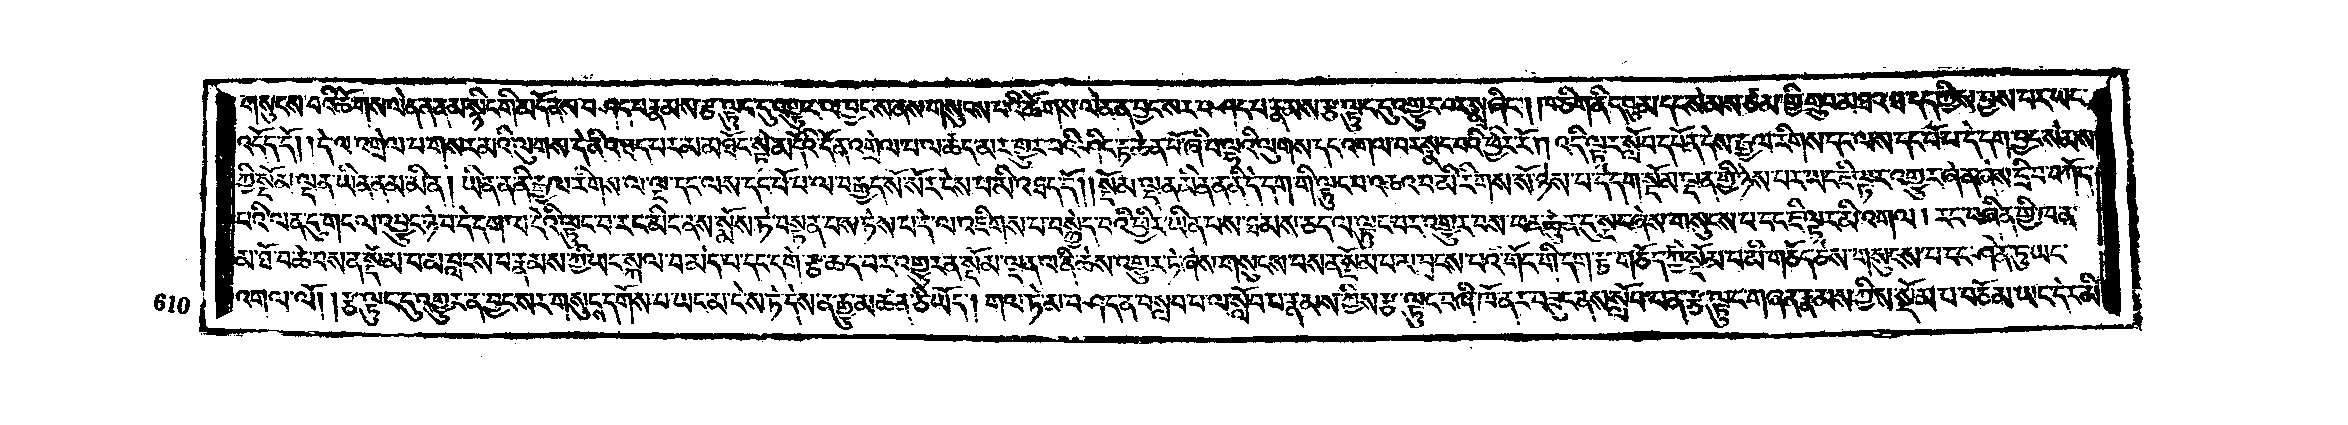གསུངས་བའི་ཚོགས་ལེན་ན་ནམ་སྙིང་གི་མདོ་ནས་བཤད་པ་རྣམས་རྩ་ལྟུང་དུ་འགྱུར་ལ་བྱང་ས་ནས་གསུངས་པའི་ཚོགས་ལེན་ན་བྱང་སར་བཤད་པ་རྣམས་རྩ་ལྟུང་དུ་འགྱུར་བར་སྨྲ་ཞིང་། ཁ་ཅིག་ནི་དབུ་མ་དང་སེམས་ཙམ་གྱི་གྲུབ་མཐའ་ཐ་དད་ཀྱིས་བྱས་པར་ཡང་
འདོད་དོ། །དེ་ལ་འགྲེལ་པ་གསར་མའི་ལུགས་དེ་ནི་འཐད་པར་མ་མཐོང་སྟེ་མདོའི་དོན་འགྲེལ་པ་ལ་ཚད་མར་གྱུར་པའི་ཤིང་རྟ་ཆེན་པོ་ཞི་བ་ལྷའི་ལུགས་དང་འགལ་བར་སྣང་བའི་ཕྱིར་རོ། །འདི་ལྟར་སློབ་དཔོན་དེས་རྒྱལ་རིགས་དང་ལས་དང་པོ་པ་དེ་དག་བྱང་སེམས་
ཀྱི་སྡོམ་ལྡན་ཡིན་ནམ་མིན། ཡིན་ན་ནི་རྒྱལ་རིགས་ལ་ལྔ་དང་ལས་དང་པོ་པ་ལ་བརྒྱད་སོ་སོར་ངེས་པ་མི་འཐད་དོ། །སྡོམ་ལྡན་མིན་ན་ནི་དེ་དག་གི་ལྟུང་བ་འཆའ་བ་མི་རིགས་སོ་ཉེས་པ་དེ་དག་སྡོམ་ལྡན་གྱི་ཉེས་པར་ཡང་ཇི་ལྟར་འགྱུར་ཞེ་ན་ཞེས་དྲི་བ་བཀོད་
པའི་ལན་དུ་གང་ལ་འབྱུང་ཉེ་པ་དེ་དག་ལ་དེའི་ལྟུང་བ་རང་མིང་ནས་སྨོས་ཏེ་བསྟན་པས་ཏེས་པ་དེ་ལ་འཇིགས་པ་བསྐྱེད་པའི་ཕྱིར་ཡིན་པས་ཐམས་ཅད་ལ་ལྟུང་བར་འགྱུར་བས་ཕན་ཚུན་དུ་སྡང་ཞེས་གསུངས་པ་དང་ཇི་ལྟར་མི་འགལ། རང་བཞིན་གྱི་ཁ་ན་
མ་ཐོ་བ་ཆེ་བས་ན་སྡོམ་པ་མ་བླངས་པ་རྣམས་ཀྱི་ཡང་སྐལ་བ་མེད་པ་དང་དགེ་རྩ་ཆད་པར་འགྱུར་ན་སྡོམ་ལྡན་ལ་ནི་ཆེས་འགྱུར་ཏེ་ཞེས་གསུངས་པས་ན་སྡོམ་པ་མ་བྲངས་པའི་གོང་གི་དག་རྩ་གཅོད་ཀྱི་སྡོམ་པ་མི་གཅོད་ཅེས་གསུངས་པ་དང་ཤིན་ཏུ་ཡང་
འགལ་ལོ། །རྩ་ལྟུང་དུ་འགྱུར་ན་བྱང་སར་གསུངས་དགོས་པ་ཡང་མ་ངེས་ཏེ་དེས་ན་རྒྱུ་མཚན་ཅི་ཡོད། གལ་ཏེ་མ་བཤད་ན་བསླབ་པ་ལ་སློབ་པ་རྣམས་ཀྱིས་རྩ་ལྟུང་བཞི་ཁོ་ནར་བཟུང་ནས་སློབ་པ་ན་རྩ་ལྟུང་གཞན་རྣམས་ཀྱིས་སྡོམ་པ་བཅོམ་ཡང་དེར་མི་